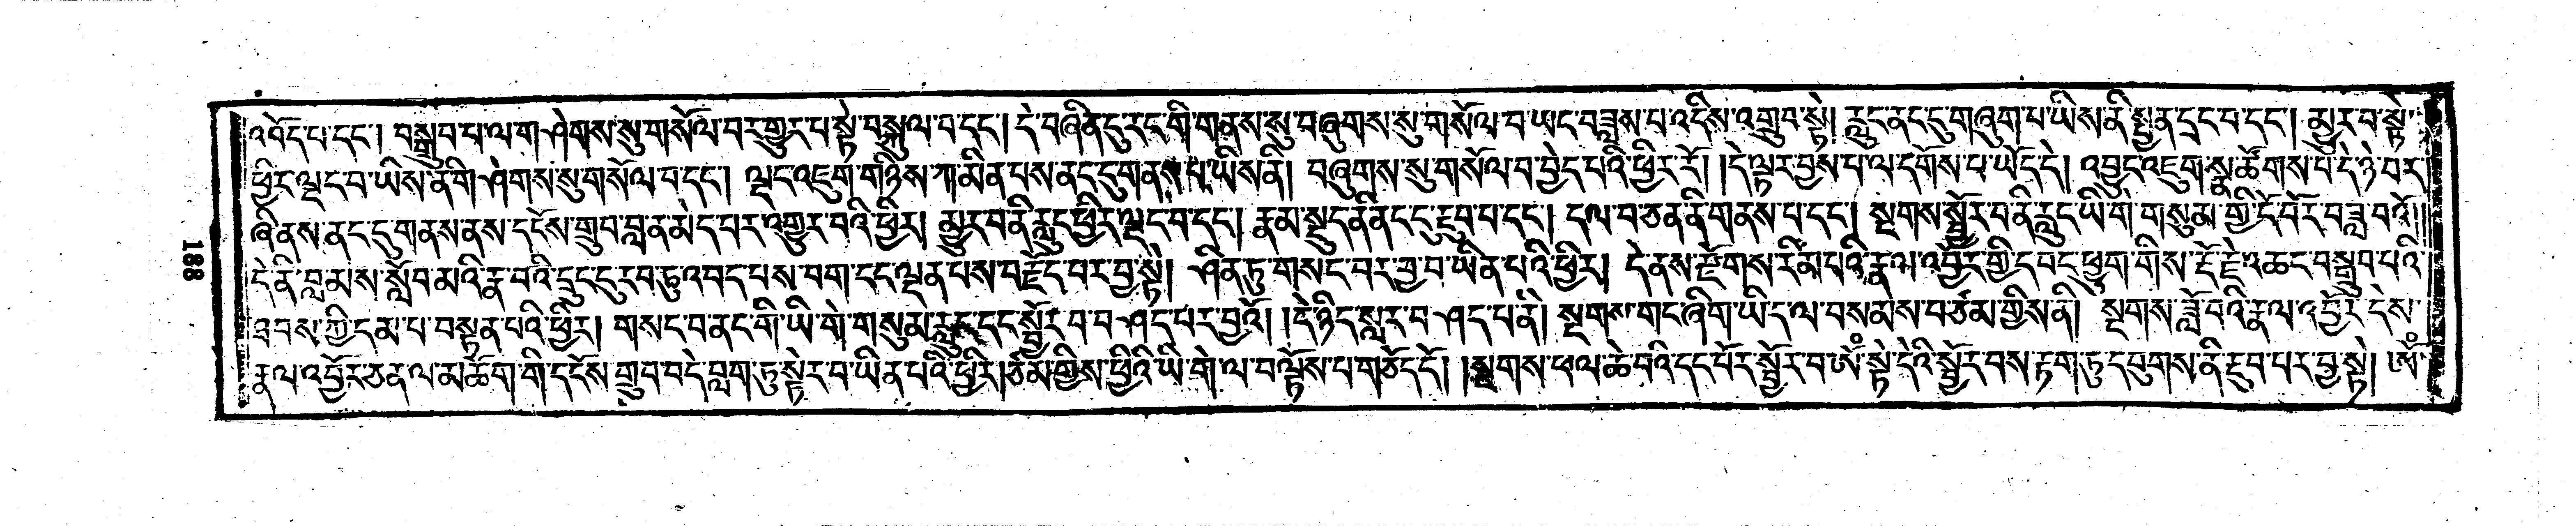འབོད་པ་དང་། བསྒྲུབ་པ་ལ་གཤེགས་སུ་གསོལ་བར་གྱུར་བ་སྟེ་བསྐུལ་བ་དང་། དེ་བཞིན་དུ་རང་གི་གནས་སུ་བཞུགས་སུ་གསོལ་བ་ཡང་བཟླས་པ་འདིས་འགྲུབ་སྟེ། རླུང་ནང་དུ་གཞུག་པ་ཡིས་ནི་སྤྱན་དྲང་བ་དང་། མྱུར་བ་སྟེ།
ཕྱིར་ལྡང་བ་ཡིས་ནི་གཤེགས་སུ་གསོལ་བ་དང་། ལྡང་འཇུག་གཉིས་ཀ་མིན་པས་ནང་དུ་གནས་པ་ཡིས་ནི། བཞུགས་སུ་གསོལ་བ་བྱེད་པའི་ཕྱིར་རོ། །དེ་ལྟར་བྱས་པ་ལ་དགོས་པ་ཡོད་དེ། འབྱུང་འཇུག་སྣ་ཚོགས་པ་དེ་ཉེ་བར་
ཞི་ནས་ནང་དུ་གནས་ནས་དངོས་གྲུབ་བླ་ན་མེད་པར་འགྱུར་བའི་ཕྱིར། མྱུར་བ་ནི་རླུང་ཕྱིར་ལྡང་བ་དང་། རྣམ་སྡུད་ནི་ནང་དུ་རྡུབ་པ་དང་། དལ་བ་ཅན་ནི་གནས་པ་དང་། སྔགས་སྦྱོར་བ་ནི་རླུང་ཡི་གེ་གསུམ་གྱི་ངོ་བོར་བཟླ་བའོ་
དེ་ནི་བླ་མས་སློབ་མའི་རྣ་བའི་དྲུང་དུ་རབ་ཏུ་འབད་པས་བག་དང་ལྡན་པས་བརྗོད་པར་བྱ་སྟེ། ཤིན་ཏུ་གསང་བར་བྱ་བ་ཡིན་པའི་ཕྱིར། དེ་ནས་རྫོགས་རིམ་པའི་རྣལ་འབྱོར་གྱི་དབང་ཕྱུག་གིས་རྡོ་རྗེ་འཆང་བསྒྲུབ་པའི་
ཐབས་ཀྱི་དམ་པ་བསྟན་པའི་ཕྱིར། གསང་བ་ནང་གི་ཡི་གེ་གསུམ་རླུང་དང་སྦྱོར་བ་བཤད་པར་བྱའོ། །དེ་ཉིད་སླར་བཤད་པ་ནི། སྔགས་གང་ཞིག་ཡིད་ལ་བསམས་པ་ཙམ་གྱིས་ནི། སྔགས་ཟློ་བའི་རྣལ་འབྱོར་དེས་
རྣལ་འབྱོར་ཅན་ལ་མཆོག་གི་དངོས་གྲུབ་བདེ་བླག་ཏུ་སྟེར་བ་ཡིན་པའི་ཕྱིར། ཙམ་གྱིས་ཕྱིའི་ཡི་གེ་ལ་བལྟོས་པ་གཅོད་དོ། །སྔགས་པ་ལ་ཆེ་བའི་དང་པོར་སྦྱོར་བ་ཨོཾ་སྟེ་དེའི་སྦྱོར་བས་རྟག་ཏུ་དབུགས་ནི་རྔུབ་པར་བྱ་སྟེ། ཨོཾ་